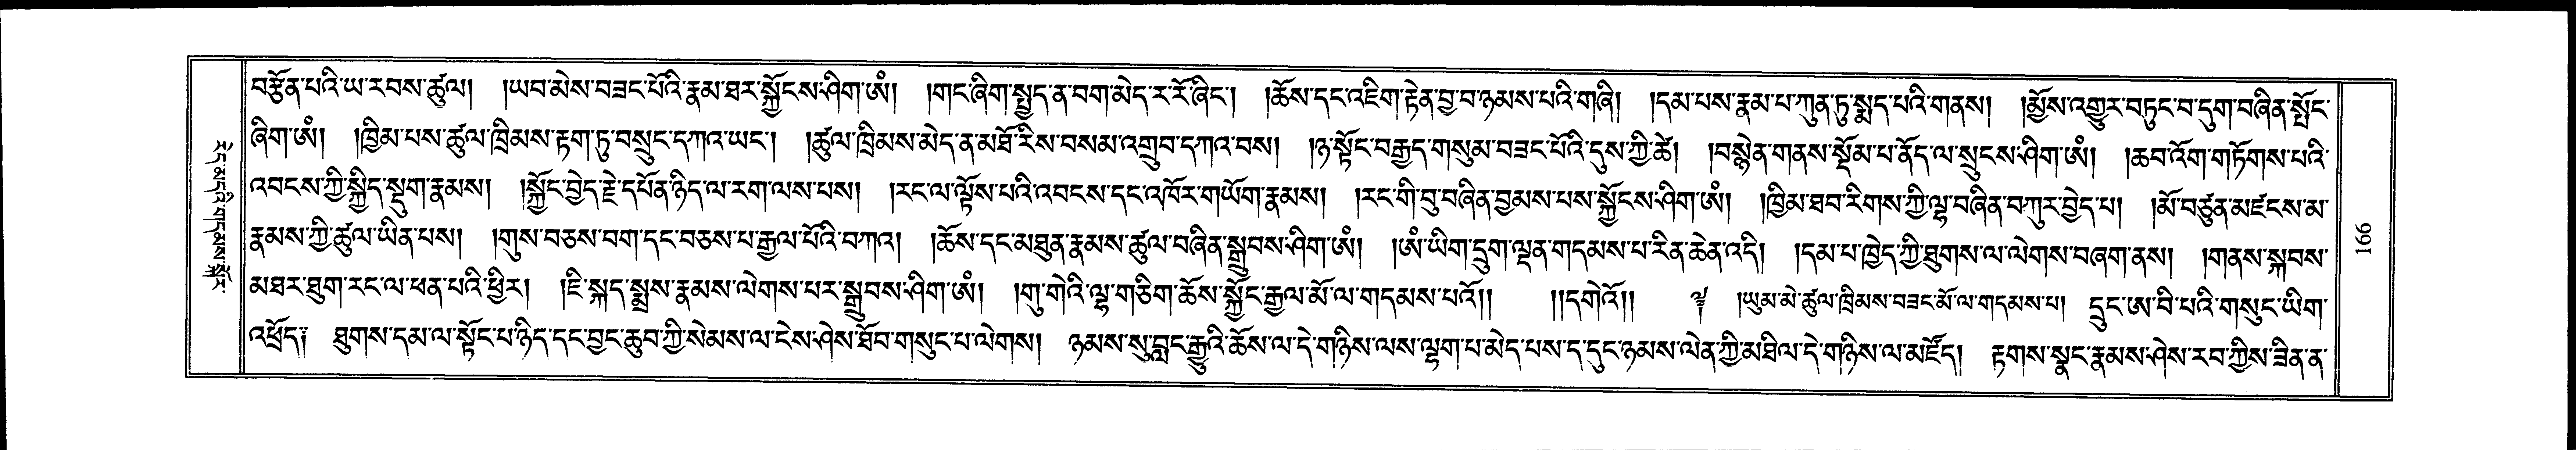བརྩོན་པའི་ཡ་རབས་ཚུལ། །ཡབ་མེས་བཟང་པོའི་རྣམ་ཐར་སྐྱོངས་ཤིག་ཨཾ། །གང་ཞིག་སྤྱད་ན་བག་མེད་ར་རོ་ཞིང་། །ཆོས་དང་འཇིག་རྟེན་བྱ་བ་ཉམས་པའི་གཞི། །དམ་པས་རྣམ་པ་ཀུན་ཏུ་སྨད་པའི་གནས། །མྱོས་འགྱུར་བཏུང་བ་དུག་བཞིན་སྤོང་
ཞིག་ཨཾ། །ཁྱིམ་པས་ཚུལ་ཁྲིམས་རྟག་ཏུ་བསྲུང་དཀའ་ཡང་། །ཚུལ་ཁྲིམས་མེད་ན་མཐོ་རིས་བསམ་འགྲུབ་དཀའ་བས། །ཉ་སྟོང་བརྒྱད་གསུམ་བཟང་པོའི་དུས་ཀྱི་ཚེ། །བསྙེན་གནས་སྡོམ་པ་ནོད་ལ་སྲུངས་ཤིག་ཨཾ། །ཆབ་འོག་གཏོགས་པའི་
འབངས་ཀྱི་སྐྱིད་སྡུག་རྣམས། །སྐྱོང་བྱེད་རྗེ་དཔོན་ཉིད་ལ་རག་ལས་པས། །རང་ལ་ལྟོས་པའི་འབངས་དང་འཁོར་གཡོག་རྣམས། །རང་གི་བུ་བཞིན་བྱམས་པས་སྐྱོང་ཤིག་ཨཾ། །ཁྱིམ་ཐབ་རིགས་ཀྱི་ལྷ་བཞིན་བཀུར་བྱེད་པ། །མོ་བཙུན་མཛངས་མ་
རྣམས་ཀྱི་ཚུལ་ཡིན་པས། །གུས་བཅས་བག་དང་བཅས་པ་རྒྱལ་པོའི་བཀའ། །ཆོས་དང་མཐུན་རྣམས་ཚུལ་བཞིན་སྒྲུབས་ཤིག་ཨཾ། །ཨཾ་ཡིག་དྲུག་ལྡན་གདམས་པ་རིན་ཆེན་འདི། །དམ་པ་ཁྱེད་ཀྱི་ཐུགས་ལ་ལེགས་བཞག་ནས། །གནས་སྐབས་
མཐར་ཐུག་རང་ལ་ཕན་པའི་ཕྱིར། །ཇི་སྐད་སྨྲས་རྣམས་ལེགས་པར་སྒྲུབས་ཤིག་ཨཾ། །གུ་གེའི་ལྷ་གཅིག་ཆོས་སྐྱོང་རྒྱལ་མོ་ལ་གདམས་པའོ།། །།དགེའོ།། ༈ །ཡུམ་མེ་ཚུལ་ཁྲིམས་བཟང་མོ་ལ་གདམས་པ། །དྲུང་ཨ་བི་པའི་གསུང་ཡིག་
འཕྲོད། ཐུགས་དམ་ལ་སྟོང་པ་ཉིད་དང་བྱང་ཆུབ་ཀྱི་སེམས་ལ་ངེས་ཤེས་ཐོབ་གསུང་པ་ལེགས། །ཉམས་སུ་བླང་རྒྱུའི་ཆོས་ལ་དེ་གཉིས་ལས་ལྷག་པ་མེད་པས་ད་དུང་ཉམས་ལེན་ཀྱི་མཐིལ་དེ་གཉིས་ལ་མཛོད། །རྟགས་སྣང་རྣམས་ཤེས་རབ་ཀྱིས་ཟིན་ན།